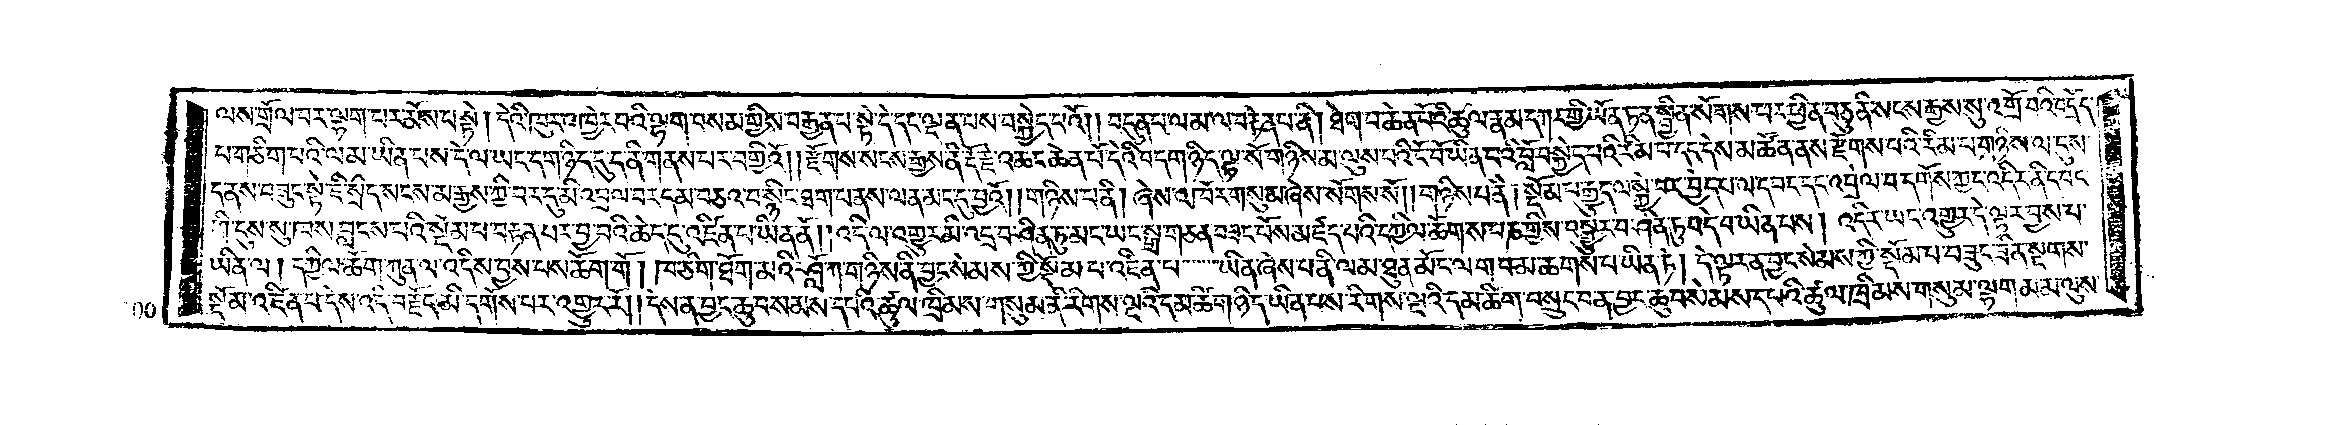ལས་གྲོལ་བར་ལྷག་པར་མོས་པ་སྟེ། དེའི་ཁུར་འཁྱེར་བའི་ལྷག་བསམ་གྱིས་བརྒྱན་པ་སྟེ་དེ་དང་ལྡན་པས་བསྐྱེད་པའོ། །བདུན་པ་ལམ་ལ་བརྟེན་པ་ནི། ཐེག་པ་ཆེན་པོའི་ཚུལ་རྣམ་དཀར་གྱི་ཡོན་ཏན་སྦྱིན་སོགས་པར་ཕྱིན་བཅུ་ནི་སངས་རྒྱས་སུ་འགྲོ་བའི་བགྲོད་
པ་གཅིག་པའི་ལམ་ཡིན་པས་དེ་ལ་ཡང་དག་ཉིད་དུ་ད་ནི་གནས་པར་བགྱིའོ། །རྫོགས་སངས་རྒྱས་ནི་རྡོ་རྗེ་འཆང་ཆེན་པོ་དེའི་བདག་ཉིད་ལྷ་སོ་གཉིས་མ་ལུས་པའི་ངོ་བོ་ཡིན་པའི་བློ་བསྐྱེད་པའི་རིམ་པ་དང་དེས་མཚོན་ནས་རྫོགས་པའི་རིམ་པ་གཉིས་ལ་དུས་
ད་ནས་བཟུང་སྟེ་ཇི་སྲིད་སངས་མ་རྒྱས་ཀྱི་བར་དུ་མི་འབྲལ་བར་དམ་བཅའ་བ་སྙིང་ཐག་པ་ནས་ལན་མང་དུ་བྱའོ། །གཉིས་པ་ནི། ཞེས་འཁོར་གསུམ་ཞེས་སོགས་སོ། །གཉིས་པ་ནི། སྡོམ་པ་རྒྱུད་ལ་སྐྱེ་བར་བྱེད་པ་ལ་དབང་དང་འབྲེལ་བ་དགོས་ཀྱང་འདིར་ནི་དབང་
གི་དུས་སུ་ཁས་བླངས་པའི་སྡོམ་པ་བརྟན་པར་བྱ་བའི་ཆེད་དུ་འཛིན་པ་ཡིན་ནོ། །འདི་ལ་འགྱུར་མི་འདྲ་བ་ཤིན་ཏུ་མང་ཡང་སྒྲ་གཅན་བཟང་པོས་མཛད་པའི་དཀྱིལ་ཆོག་ས་པཎ་གྱིས་བསྒྱུར་བ་ཤིན་ཏུ་བདེ་བ་ཡིན་པས། འདིར་ཡང་འགྱུར་དེ་ལྟར་བྱས་པ་
ཡིན་ལ། དཀྱིལ་ཆོག་ཀུན་ལ་འདིས་བྱས་པས་ཆོག་གོ །ཁ་ཅིག་ཐོག་མའི་ཤློ་ཀ་གཉིས་ནི་བྱང་སེམས་ཀྱི་སྡོམ་པ་འཛིན་པ་ཡིན་ཞེས་པ་ནི་ལམ་ཐུན་མོང་ལ་ག་བ་མ་ཆགས་པ་ཡིན་ཏེ། དེ་ལྟར་ན་བྱང་སེམས་ཀྱི་སྡོམ་པ་བཟུང་ཟིན་སྔགས་
སྡོམ་འཛིན་པ་དེས་འདི་བརྗོད་མི་དགོས་པར་འགྱུར་རོ། །དེས་ན་བྱང་ཆུབ་སེམས་དཔའི་ཚུལ་ཁྲིམས་གསུམ་ནི་རིགས་ལྔའི་དམ་ཚིག་ཉིད་ཡིན་པས་རིགས་ལྔའི་དམ་ཚིག་བསྲུང་བ་ན་བྱང་ཆུབ་སེམས་དཔའི་ཚུལ་ཁྲིམས་གསུམ་ལྷག་མ་མ་ལུས་